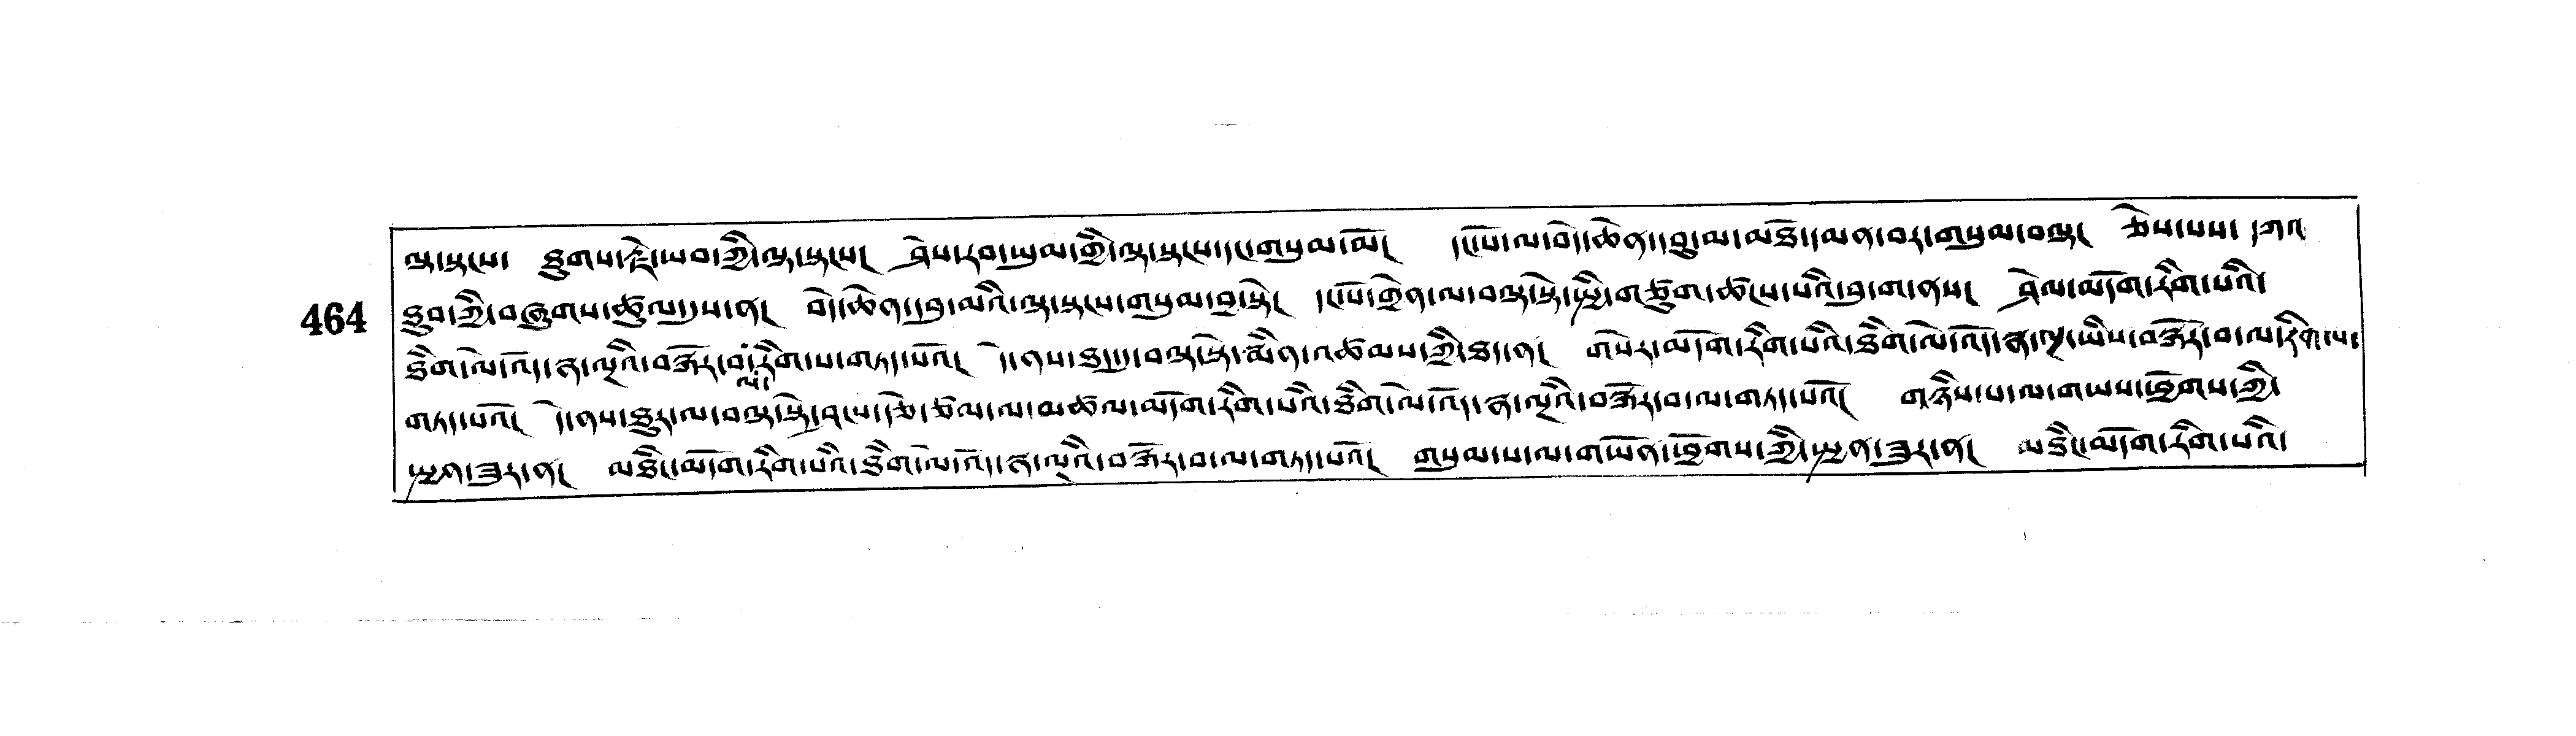ལྟ་སྟངས། ཐུགས་རྗེ་ཡབ་ཀྱི་ལྟ་སྟངས། ཤེས་རབ་ཡུམ་གྱི་ལྟ་སྟངས་དང་གསུམ་མོ། དང་པོ་ལ། བདེ་ཆེན་དབུ་ལ་མཐོ་དམན་བར་གསུམ་ལྟ། ཅེས་པས། དཀའ་
ཐུབ་ཀྱི་བཞུགས་ཚུལ་དུས་ན། བདེ་ཆེན་དབུ་མའི་ལྟ་སྟངས་གསུམ་བྱ་སྟེ། དང་པོ་གྱེན་ལ་བལྟ་སྟེ། སྤྱི་གཙུག་ཚངས་པའི་བུ་ག་ནས། ཤེལ་མདོག་རིག་པའི་
ཐིག་ལེ་འོད་སྣ་ལྔས་བསྐོར་ལ་རིག་པ་གཏད་པའོ། དེ་ནས་ཐད་དུ་བལྟ་སྟེ་སྨིན་མཚམས་ཀྱི་ཐད་ན། གསེར་མདོག་རིག་པའི་ཐིག་ལེ་འོད་སྣ་ལྔ་ཡིས་བསྐོར་བ་ལ་རིག་པ་
གཏད་པའོ། དེ་ནས་ཐུར་ལ་བལྟ་སྟེ་ཤངས་རྩེ་ཙམ་ལ་མཚལ་མདོག་རིག་པའི་ཐིག་ལེ་འོད་སྣ་ལྔ་ལ་བསྐོར་བ་ལ་རིག་པ་གཏད་པའོ། གཉིས་པ་ལ་གཡས་ཕྱོགས་ཀྱི་
སྤྱན་ཟུར་ན། མཐིང་མདོག་རིག་པའི་ཐིག་ལེ་འོད་སྣ་ལྔས་བསྐོར་བ་ལ་གཏད་པའོ། གསུམ་པ་ལ་གཡོན་ཕྱོགས་ཀྱི་སྤྱན་ཟུར་ན། མཐིང་མདོག་རིག་པའི་